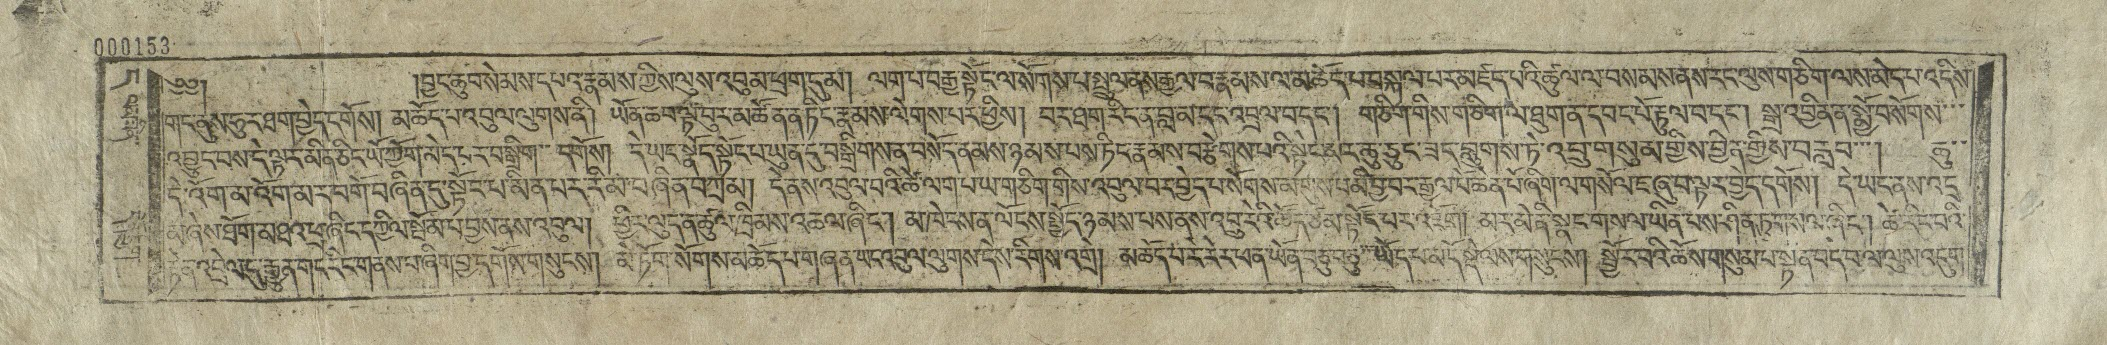༄༅། །བྱང་ཆུབ་སེམས་དཔའ་རྣམས་ཀྱིས་ལུས་འབུམ་ཕྲག་དུ་མ། ལག་པ་བརྒྱ་སྟོང་ལ་སོགས་པ་སྤྲུལ་ནས་རྒྱལ་བ་རྣམས་ལ་མཆོད་པ་བསྐལ་པར་མཛད་པའི་ཚུལ་ལ་བསམས་ནས་རང་ལུས་གཅིག་ལས་མེད་པ་འདིས་
གང་ནུས་ཧུར་ཐག་བྱེད་དགོས། མཆོད་པ་འབུལ་ལུགས་ནི། ཡོན་ཆབ་ལྟ་བུར་མཚོན་ན་ཏིང་རྣམས་ལེགས་པར་ཕྱིས། བར་ཐག་རིང་ན་བླ་མ་དང་འབྲལ་བ་དང་། གཅིག་གིས་གཅིག་ལ་ཐུག་ན་དབང་པོ་རྟུལ་བ་དང་། སྒྲ་འབྱིན་ན་སྨྱོ་བ་སོགས་
འབྱུང་བས་དེ་ལྟར་མིན་ཅིང་ཡོ་ཀྱོག་མེད་པར་བསྒྲིག་དགོས། དེ་ཡང་སྣོད་སྟོང་པ་ཡུན་དུ་བསྒྲིགས་ན་བསོད་ནམས་ཉམས་པས་ཏིང་རྣམས་བརྩེགས་པའི་སྟེང་མར་ཆུ་ཅུང་ཟད་བླུགས་ཏེ་འབྲུ་གསུམ་གྱིས་བྱིན་གྱིས་བརླབ། ཆུ་
དེ་འོག་མ་འོག་མར་བགོ་བཞིན་དུ་སྟོང་པ་མིན་པར་རིམ་བཞིན་བཀྲམ། དེ་ནས་འབུལ་བའི་ཚེ་ལག་པ་ཡ་གཅིག་གིས་འབུལ་བར་བྱེད་པ་སོགས་མ་གུས་པ་མི་བྱ་བར་རྒྱལ་པོ་ཆེན་པོ་ཞིག་ལ་གསོལ་ཇ་ཞུ་བ་ལྟར་བྱེད་དགོས། དེ་ཡང་ནས་འདྲ་
མ་ཞེས་ཐོག་མཐའ་ཕྲ་ཞིང་དཀྱིལ་སྦོམ་པ་བྱས་ནས་འབུལ། ཕྱིར་ལུད་ན་ཚུལ་ཁྲིམས་འཆལ་ཞིང་། མ་ཁེངས་ན་ལོངས་སྤྱོད་ཉམས་པས་ནས་འབྲུ་རེའི་ཚོད་ཙམ་སྟོང་པར་འཇོག །མར་མེ་ནི་སྣང་གསལ་ཡིན་པས་ཤིན་ཏུ་གསལ་ཞིང་། ཚེ་རིང་བའི་
རྟེན་འབྲེལ་དུ་རྒྱུན་གང་རིང་གནས་པ་ཞིག་བྱ་དགོས་གསུངས། མེ་ཏོག་སོགས་མཆོད་པ་གཞན་ཡང་འབུལ་ལུགས་དེས་རིགས་འགྲེ། མཆོད་པ་རེ་རེར་ཕན་ཡོན་བཅུ་བཅུ་ཡོད་པ་མདོ་སྡེ་ལས་གསུངས། སྦྱོར་བའི་ཆོས་གསུམ་པ་སྟན་བདེ་བ་ལ་ལུས་འདུག་